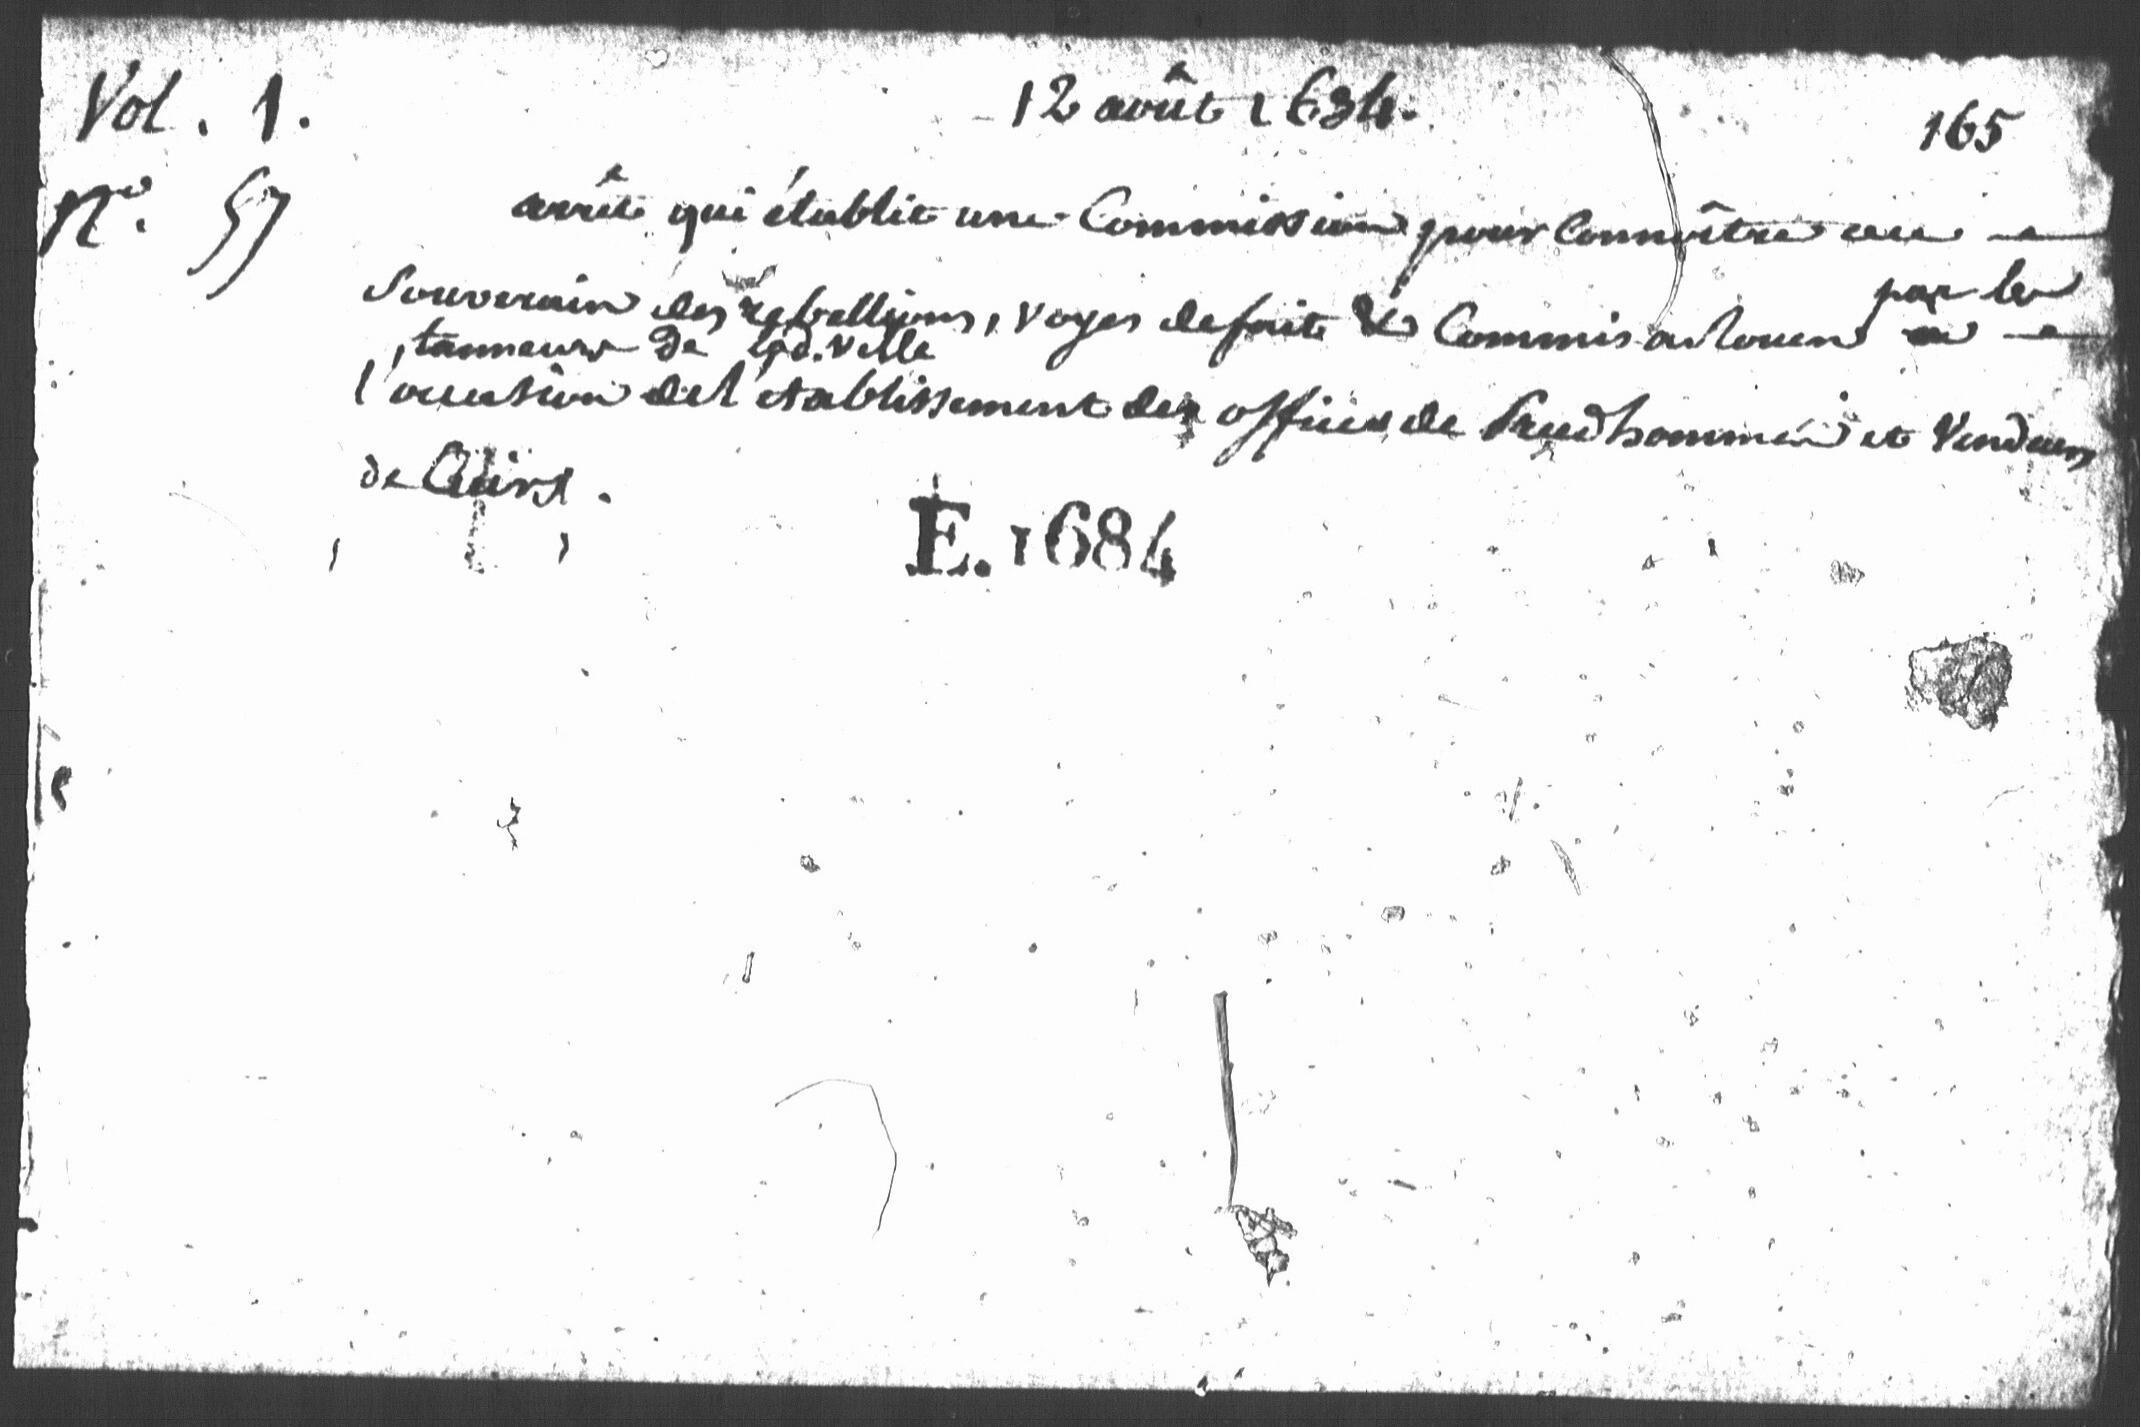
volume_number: n°57
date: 12 août 1634
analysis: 165
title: arrêt qui établit une Commission pour connoître au souverain des rebellions, voyes de fait etc commis a Rouen par les tanneurs de lad. ville a l'occasion de l'etablissement des offices de prudhommes et vendeurs de cuirs.
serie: E
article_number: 1684
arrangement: vol. 1
